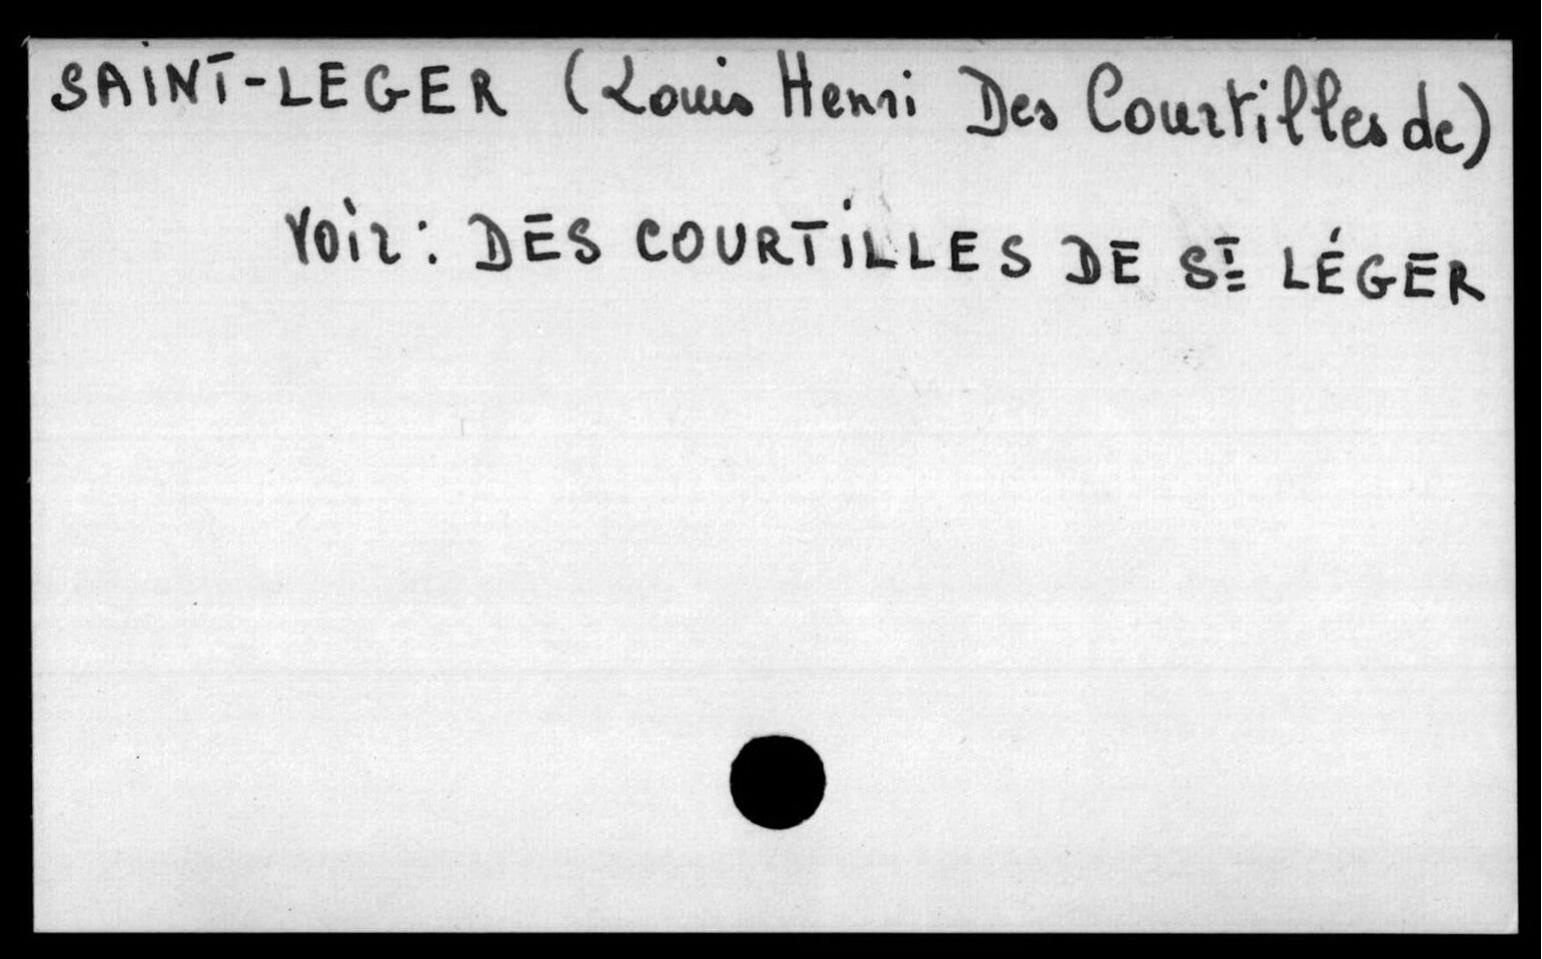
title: SAINT-LÉGER (Louis Henri Des Courtilles de)
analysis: Voir : DES COURTILLES DE SAINT-LÉGER
